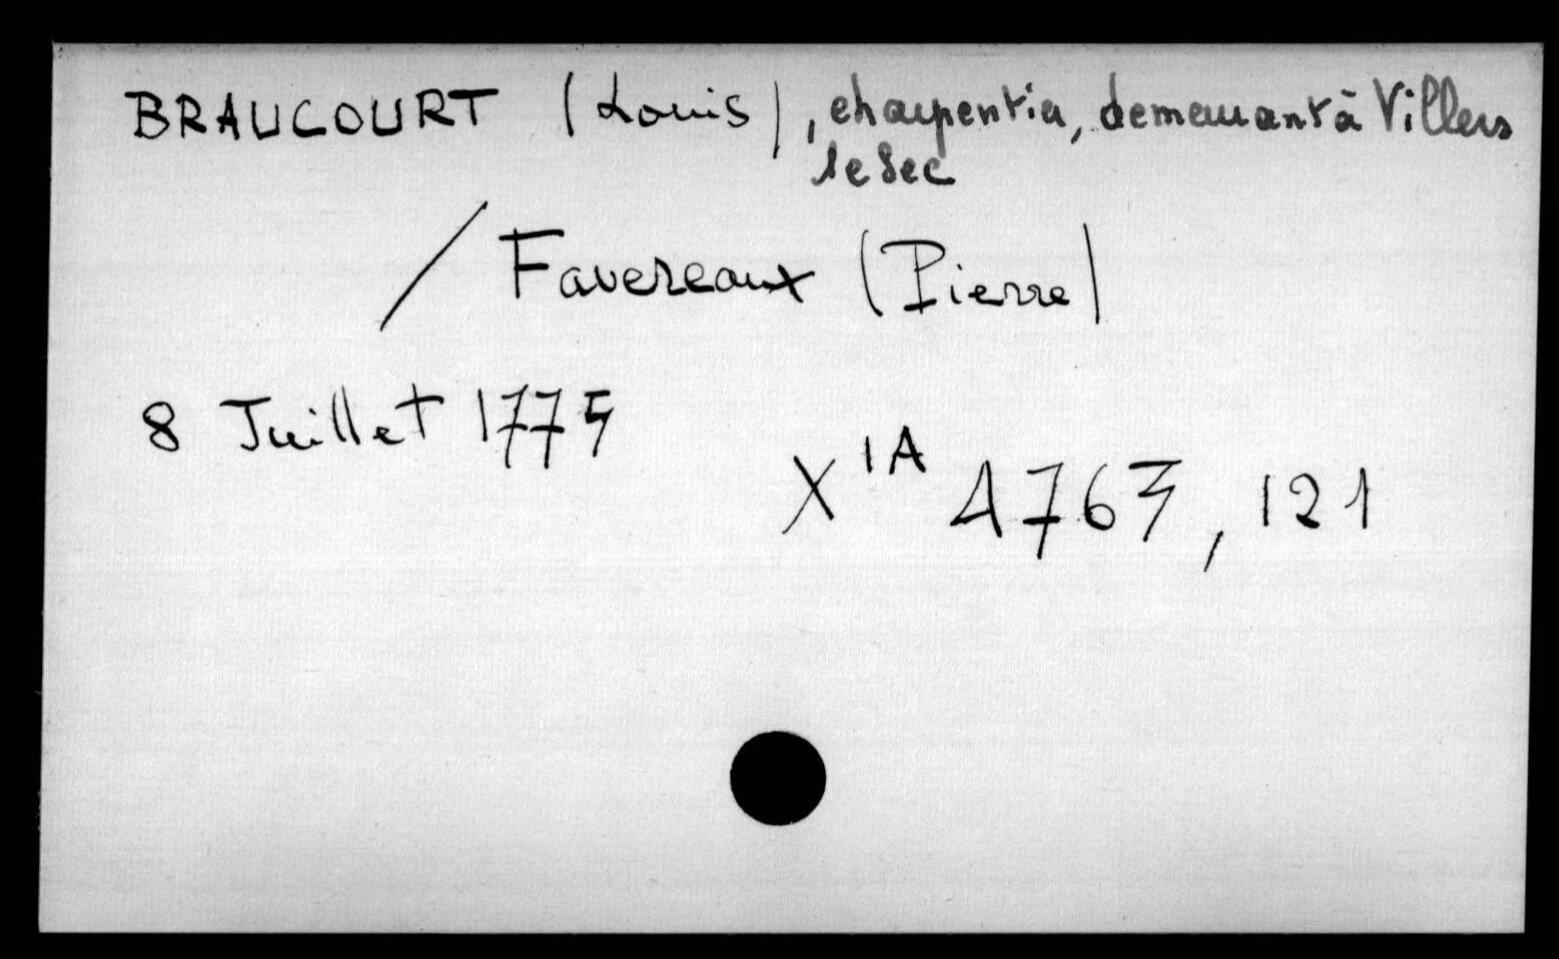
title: BRAUCOURT (Louis), charpentier, demeurant à Villers le Sec
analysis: Contre Favereaux (Pierre)
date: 8 juillet 1775
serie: X1A
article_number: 4763
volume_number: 121
